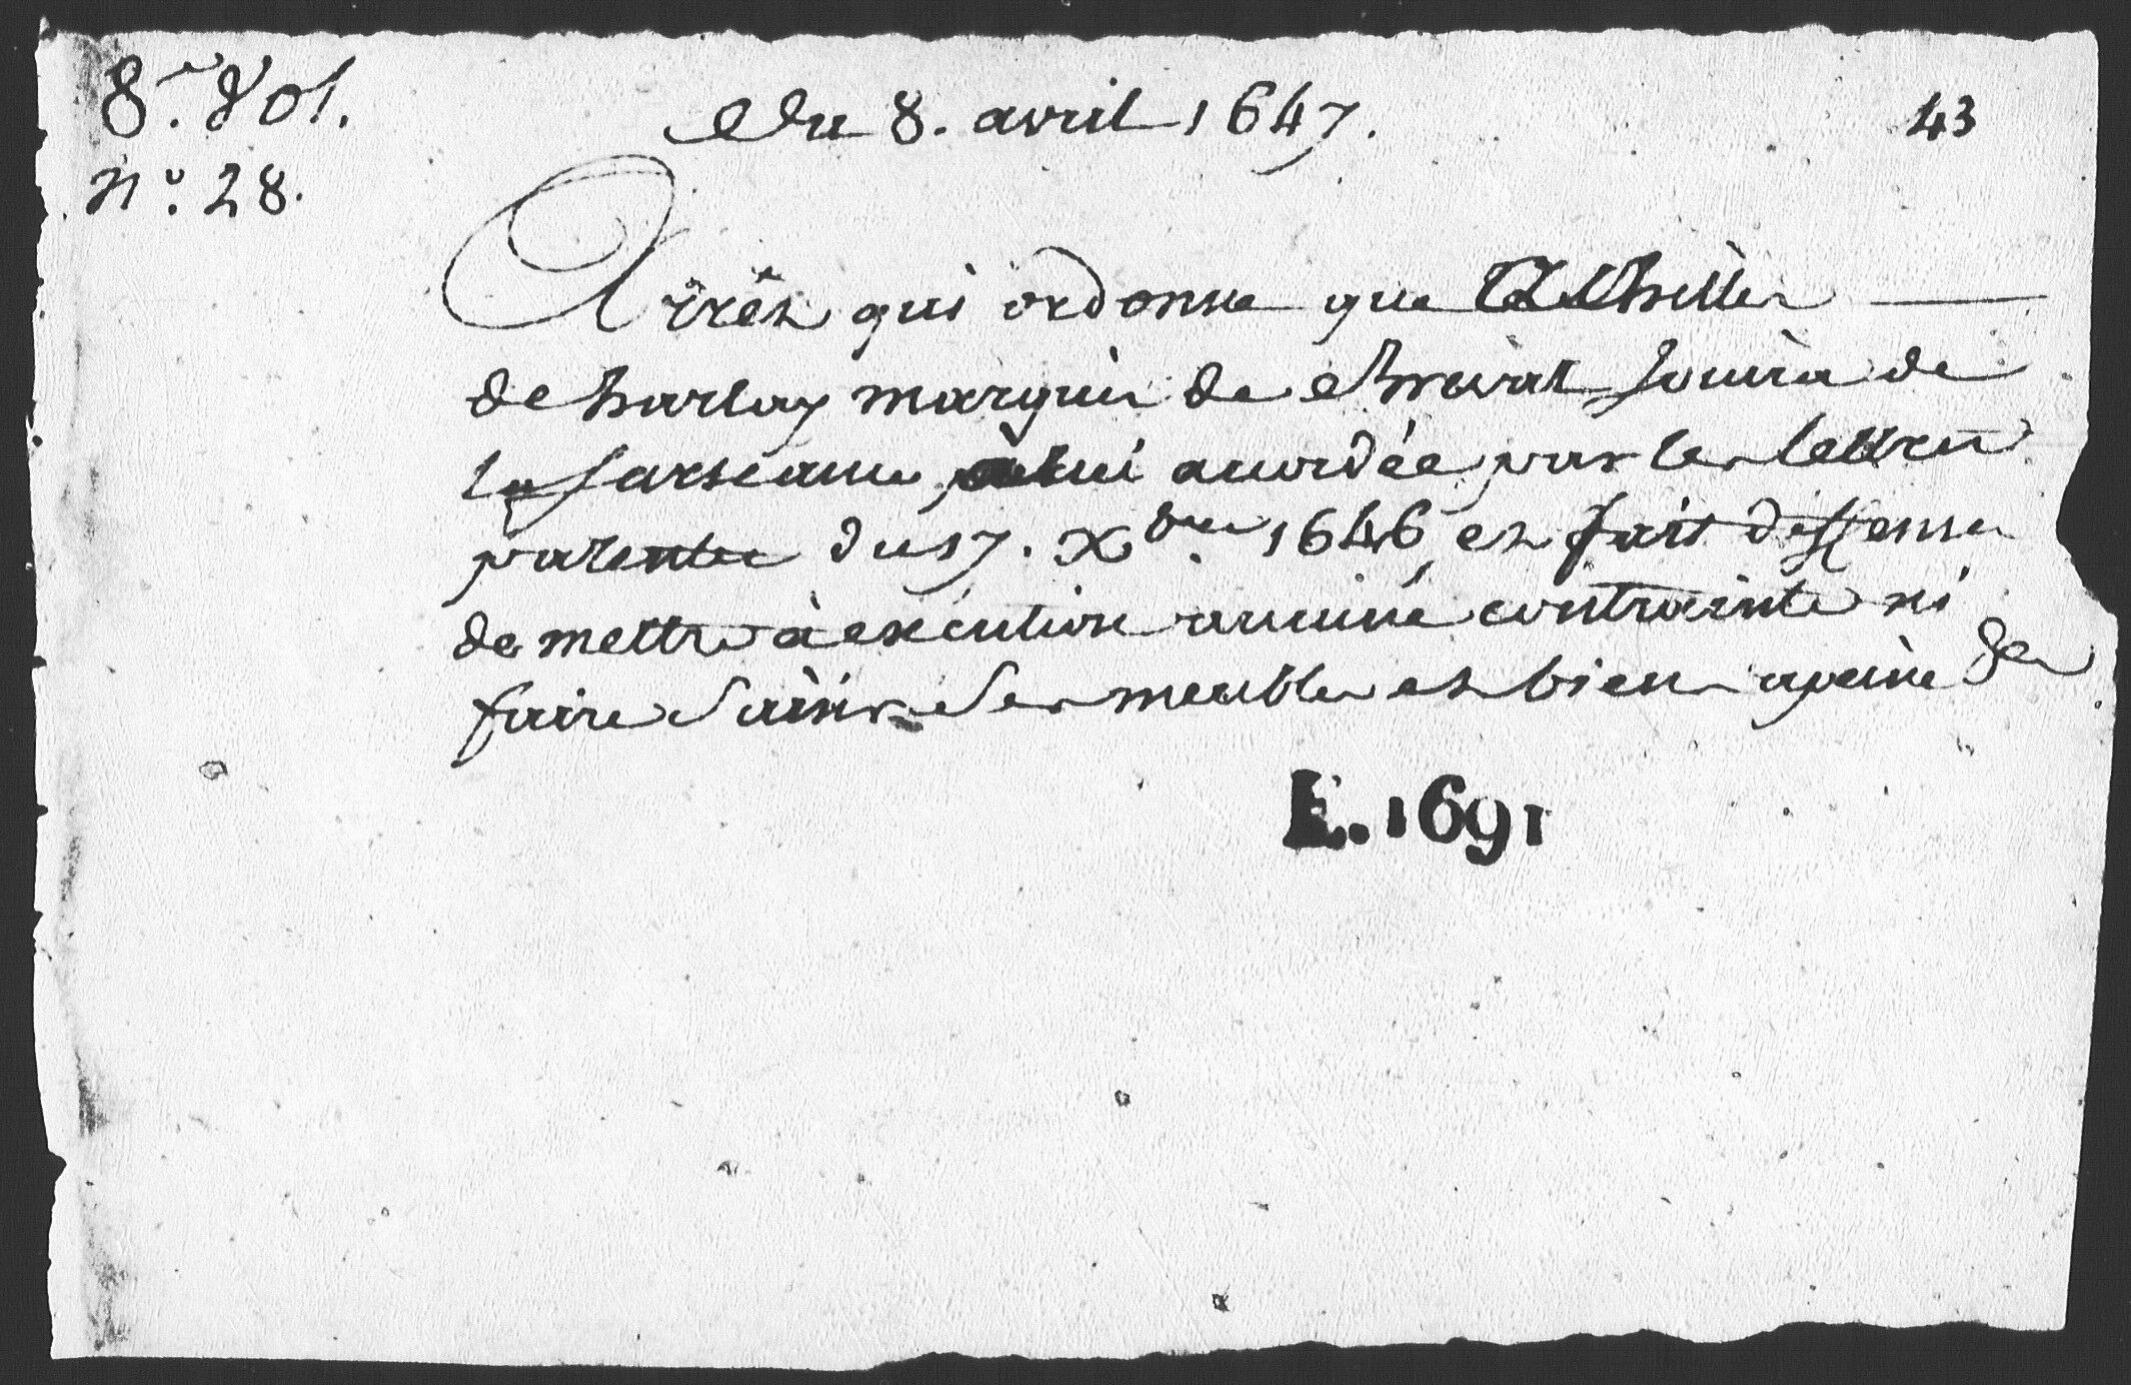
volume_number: n° 28
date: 8 avril 1647
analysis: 43
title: Arrêt qui ordonne que Le Thiller de Harlay, marquis de Breval jouira de la surséance, a lui accordée par les lettres palentes du 17 décembre 1646, et fait deffenses de mettre à exécution aucune contrainte ni faire saisir ses meubles et biens a peine de
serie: E
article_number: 1691
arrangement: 8e volume
